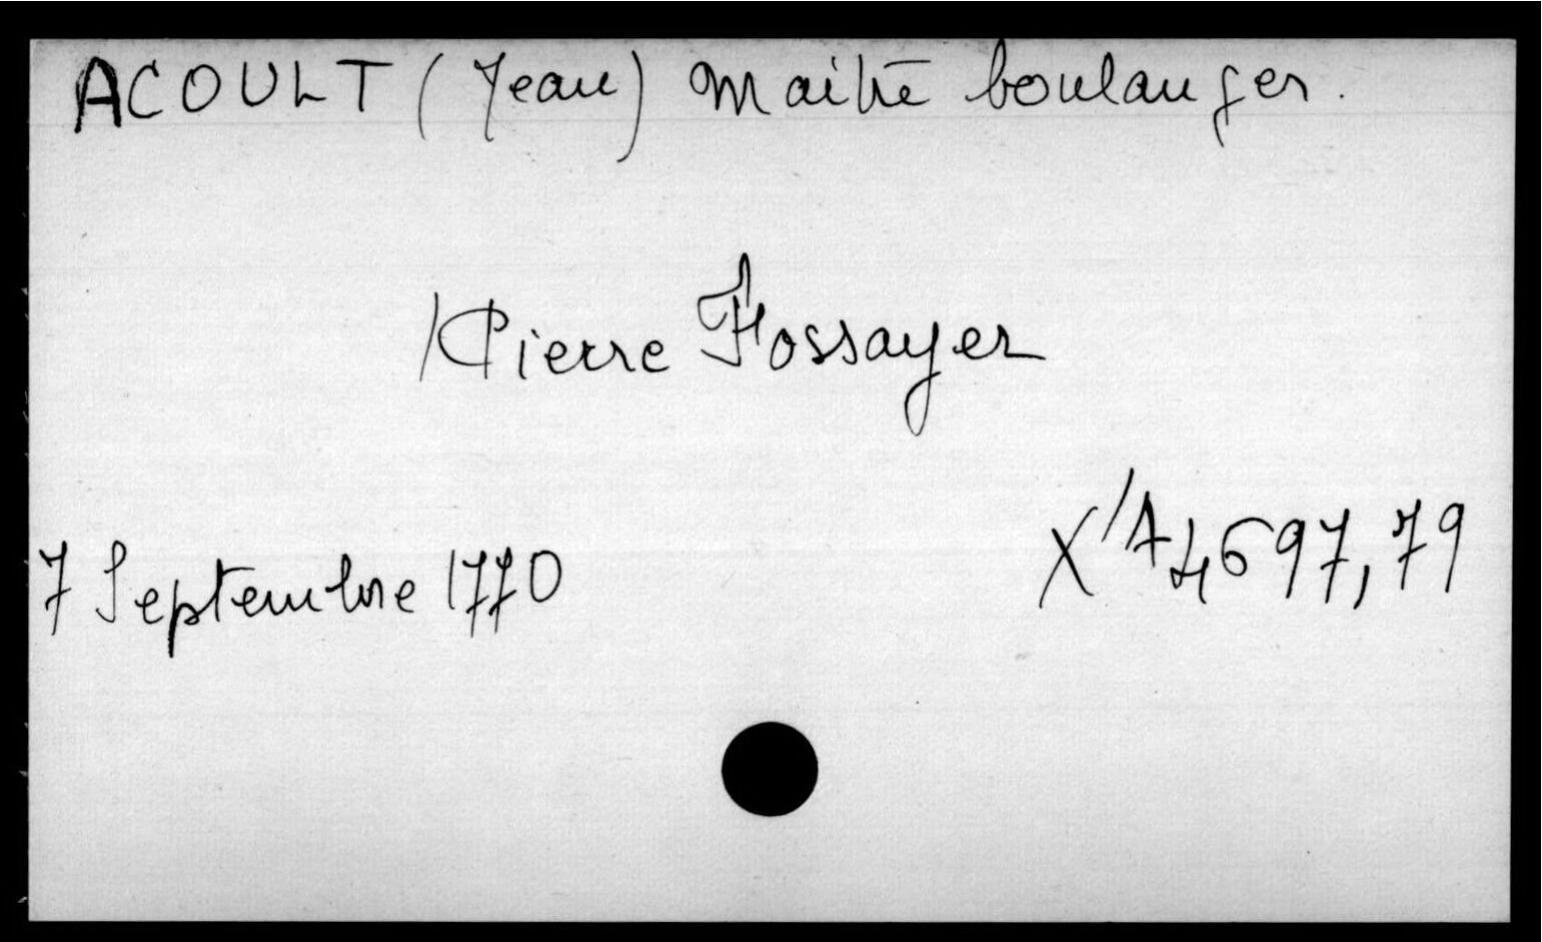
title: ACOULT (Jean) Maître boulanger
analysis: Contre Pierre Fossayer
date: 7 septembre 1770
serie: X1A
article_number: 4697
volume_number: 79
